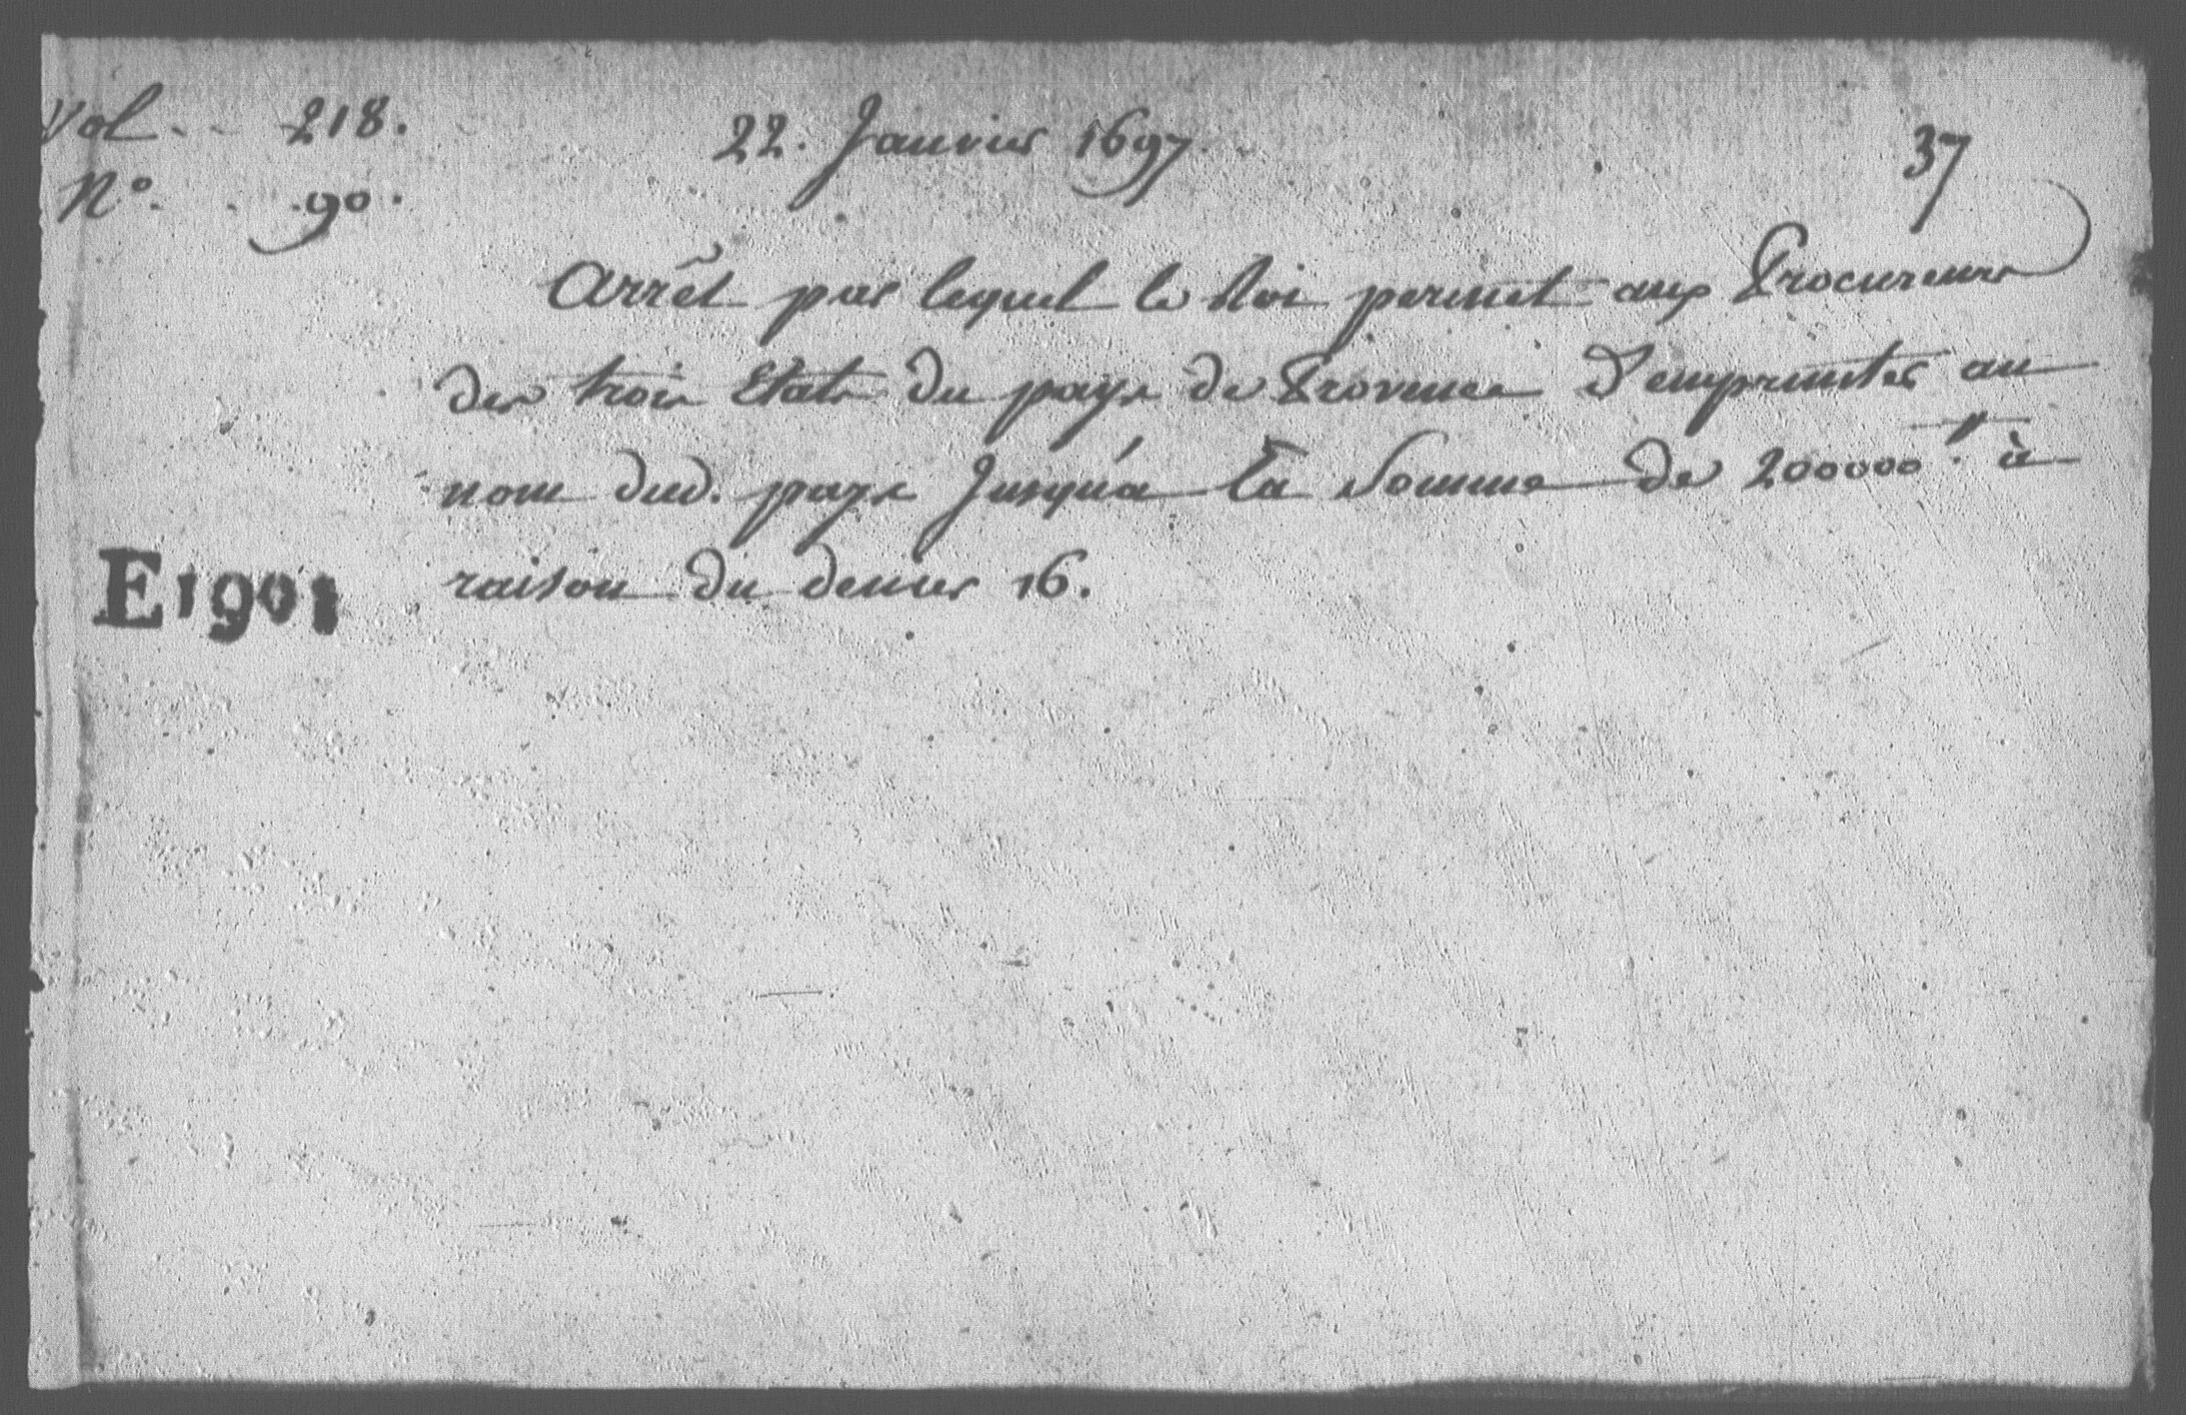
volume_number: n°90
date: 22 janvier 1697
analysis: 37
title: Arrêt par lequel le Roi permet aux Procureurs des trois Etats du pays de Provence d'emprunter au nom dud. pays jusqu'a la somme de 200000# à raison du denier 16.
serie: E
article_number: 1901
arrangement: vol. 218
